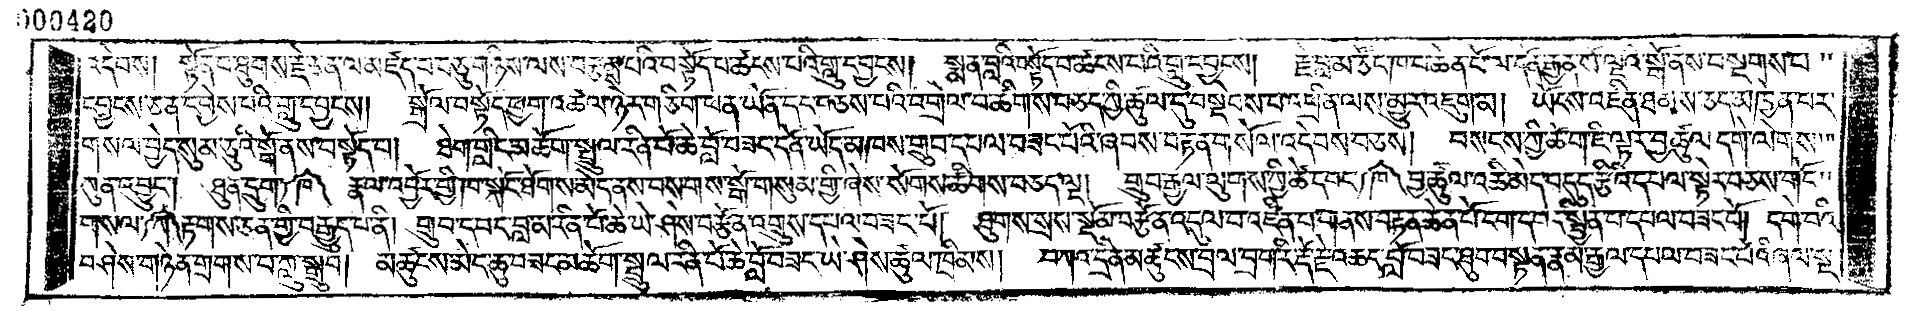འདེབས། སྟོན་པ་ཐུགས་རྗེ་ཅན་ལ་མཛོད་པ་བཅུ་གཉིས་ལས་བརྩམས་པའི་བསྟོད་པ་ཚངས་པའི་གླུ་དབྱངས། སྨན་བླའི་བསྟོད་པ་ཚངས་པའི་གླུ་དབྱངས། རྗེ་བླ་མ་རྩོང་ཁ་པ་ཆེན་པོ་ལ་དོན་རྒྱན་སོ་ལྔའི་སྒོ་ནས་བསྔགས་པ་
དབྱངས་ཅན་དགྱེས་པའི་གླུ་དབྱངས། སྒྲོལ་བསྟོད་ཕྱག་འཚལ་ཉེར་གཅིག་ཕན་ཡོན་དང་བཅས་པའི་འགྲེལ་བ་ཚིགས་བཅད་ཀྱི་ཚུལ་དུ་བསྡེབས་པ་འཕྲིན་ལས་མྱུར་འཇུག་མ། ཡོངས་འཛིན་ཐམས་ཅད་མཁྱེན་པར་
གསལ་བྱེད་སུམ་ཅུའི་སྒོ་ནས་བསྟོད་པ། ཐེག་གླིང་མཆོག་སྤྲུལ་རིན་པོ་ཆེ་བློ་བཟང་དོན་ཡོད་མཁས་གྲུབ་དཔལ་བཟང་པོའི་ཞབས་བརྟན་གསོལ་འདེབས་བཅས། བསངས་ཀྱི་ཆོ་ག་ཇི་ལྟར་བྱ་ཚུལ་དགེ་ལེགས་
སུན་འབྱུང་། ཐུན་དྲུག ༼ཁ༽ རྣལ་འབྱོར་གྱི་ཁ་སྐོང་ཐོགས་མེད་ནས་བསགས་སྒོ་གསུམ་གྱི་ཞེས་སོགས་ཚིགས་ཅད་ལྔ། གྲུབ་རྒྱ་ལུགས་ཀྱི་ཚེ་དབང ༼ཁ༽ བྱ་ཚུལ་འཆི་མེད་བདུད་རྟིའི་དཔལ་སྟར་བཅས་གོང་
གསལ ༼ཀ༽ རྟགས་ཅན་གྱི་བརྒྱུད་པ་ནི། གྲུབ་དབང་བླ་མ་རིན་པོ་ཆེ་ཡེ་ཤེས་བརྩོན་འགྲུས་དཔལ་བཟང་པོ། ཐུགས་སྲས་སྡོམ་བརྩོན་འདུལ་བ་འཛིན་པ་གནས་བརྟན་ཆེན་པོ་ངག་དབང་སྦྱིན་པ་དཔལ་བཟང་པོ། དགེ་བའི་
བཤེས་གཉེན་གྲགས་པ་ཀླུ་སྒྲུབ། མཚུངས་མེད་ཆུ་བཟང་མཆོག་སྤྲུལ་རིན་པོ་ཆེ་བློ་བཟང་ཡེ་ཤེས་ཚུལ་ཁྲིམས། བཀའ་དྲིན་མཚུངས་བྲལ་བྲག་རི་རྡོ་རྗེ་འཆང་བློ་བཟང་ཐུབ་བསྟན་རྣམ་རྒྱལ་དཔལ་བཟང་པོའི་ཞལ་སྔ་